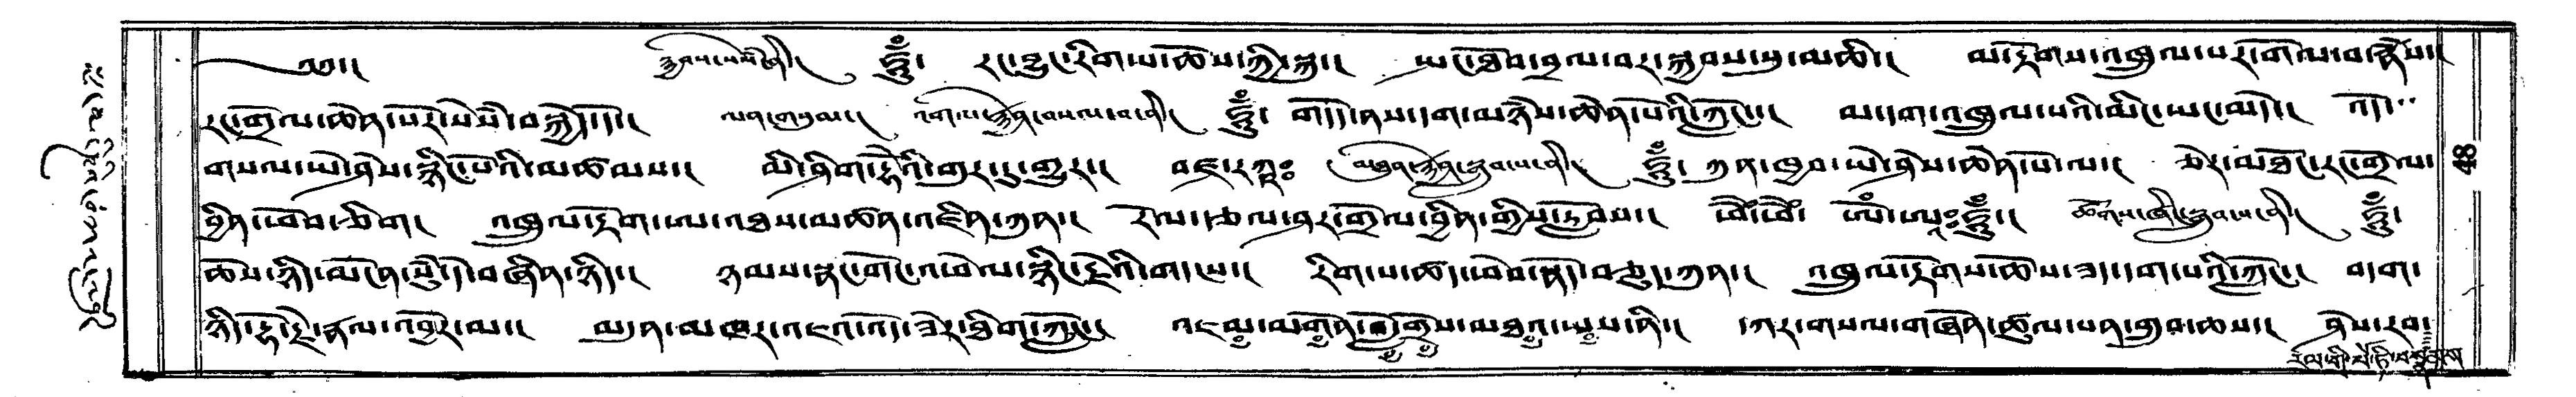སྐྱབས་སེམས་ནི། ཧཱུྃ། རང་བྱུང་རིག་པ་ཆོས་ཀྱི་སྐུ། །སྤང་ཐོབ་བྲལ་བར་སྐྱབས་སུ་མཆི། །མ་རྟོགས་འཁྲུལ་པར་གོལ་བ་རྣམས། །
རང་གྲོལ་ཆེན་པོར་སེམས་བསྐྱེད་དོ། ལན་གསུམ། འགལ་རྐྱེན་བསལ་བ་ནི། ཧཱུྃ། གདོད་ནས་དག་མཉམ་ཆེན་པོའི་ཀློང་། །མ་དག་འཁྲུལ་པའི་མིང་ཡང་མེད། །འོད་
གསལ་ཡེ་ཤེས་སྙིང་པོའི་མཚམས། །མི་ཤིགས་རྡོ་རྗེའི་གུར་དུ་གྱུར། བཛྲ་རཀྵཿ མཐུན་རྐྱེན་སྒྲུབ་པ་ནི། ཧཱུྃ། ཀུན་ཁྱབ་ཡེ་ཤེས་ཆེན་པོ་ལ། །ཅེར་མཐོང་རང་གྲོལ་
བྱིན་ཕོབ་ཅིག །འཁྲུལ་རྟོག་ཨ་འཐས་མཚན་འཛིན་ཀུན། །རོལ་རྩལ་ཤར་གྲོལ་བྱིན་གྱིས་རློབས། ཕཻཾ་ཕཻཾ། ཨོཾ་ཨཱཿཧཱུྃ། ཚོགས་ཞིང་སྒྲུབ་པ་ནི། ཧཱུྃ། 
ཆོས་ཉིད་མངོན་སུམ་དེ་བཞིན་ཉིད། །ཉམས་སྣང་གོང་འཕེལ་སྙིང་རྗེའི་གདངས། །རིག་པ་ཚད་ཕེབས་སྣོད་བཅུད་ཀུན། །འཁྲུལ་རྟོག་ཆོས་ཟད་དག་པའི་ཀློང་། །བདག་
ཉིད་རྡོ་རྗེ་རྣལ་འབྱོར་མ། །མདུན་མཁར་འཇའ་འོད་ཟེར་ཐིག་ཀློང་། །འཇམ་མགོན་བློ་གྲོས་མཐའ་ཡས་ནི། དཀར་གསལ་གཞོན་ཚུལ་པཎ་གྲུབ་ཆས། །ཤེས་རབ་རལ་གྲི་པོ་ཏི་བསྣམས།